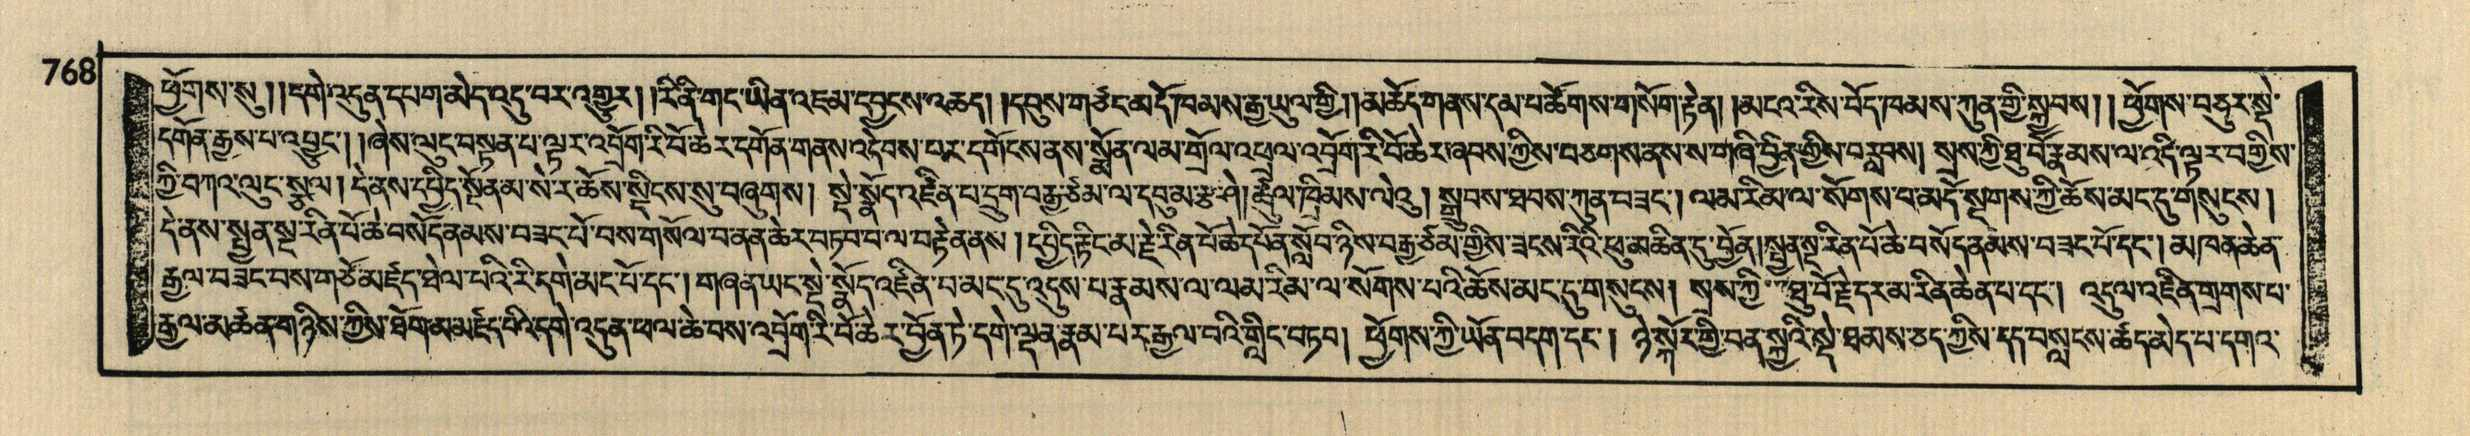ཕྱོགས་སུ། །དགེ་འདུན་དཔག་མེད་འདུ་བར་འགྱུར། །རི་ནི་གང་ཡིན་འཇམ་དབྱངས་འཆད། །དབུས་གཙང་མདོ་ཁམས་རྒྱ་ཡུལ་གྱི། །མཆོད་གནས་དམ་པ་ཚོགས་གསོག་རྟེན། །མངའ་རིས་བོད་ཁམས་ཀུན་གྱི་སྐྱབས། །ཕྱོགས་བཅུར་སྡེ་
དགོན་རྒྱས་པ་འབྱུང་། །ཞེས་ལུང་བསྟན་པ་ལྟར་འབྲོག་རི་བོ་ཆེར་དགོན་གནས་འདེབས་པར་དགོངས་ནས་སྨོན་ལམ་གྲོལ་འཕྲལ་འབྲོག་རི་བོ་ཆེར་ཞབས་ཀྱིས་བཅགས་ནས་ས་གཞི་བྱིན་གྱིས་བརླབས། སྲས་ཀྱི་ཐུ་བོ་རྣམས་ལ་འདི་ལྟར་བགྱིས་
ཀྱི་བཀའ་ལུང་སྩལ། དེ་ནས་དཔྱིད་སྔོན་མ་སེ་ར་ཆོས་སྡིངས་སུ་བཞུགས། སྡེ་སྣོད་འཛིན་པ་དྲུག་བརྒྱ་ཙམ་ལ་དབུ་མ་རྩ་ཤེ། ཚུལ་ཁྲིམས་ལེའུ། སྒྲུབས་ཐབས་ཀུན་བཟང་། ལམ་རིམ་ལ་སོགས་པ་མདོ་སྔགས་ཀྱི་ཆོས་མང་དུ་གསུངས།
དེ་ནས་སྤྱན་སྔ་རིན་པོ་ཆེ་བསོད་ནམས་བཟང་པོ་བས་གསོལ་བ་ནན་ཆེར་བཏབ་པ་ལ་བརྟེན་ནས། དཔྱིད་རྟིང་མ་རྗེ་རིན་པོ་ཆེ་དཔོན་སློབ་ཉིས་བརྒྱ་ཙམ་གྱིས་ཟངས་རིའི་ཕུ་མཆིན་དུ་བྱོན། སྤྱན་སྔ་རིན་པོ་ཆེ་བསོད་ནམས་བཟང་པོ་དང་། མཁན་ཆེན་
རྒྱལ་བཟང་བས་གཙོ་མཛད་ཐེལ་པའི་རི་དགེ་མང་པོ་དང་། གཞན་ཡང་སྡེ་སྣོད་འཛིན་པ་མང་དུ་འདུས་པ་རྣམས་ལ་ལམ་རིམ་ལ་སོགས་པའི་ཆོས་མང་དུ་གསུངས། སྲས་ཀྱིས་ཐུ་བོ་རྗེ་དར་མ་རིན་ཆེན་པ་དང་། འདུལ་འཛིན་གྲགས་པ་
རྒྱལ་མཚན་གཉིས་ཀྱིས་ཐོག་མ་མཛད་པའི་དགེ་འདུན་ཕལ་ཆེ་བས་འབྲོག་རི་བོ་ཆེར་བྱོན་ཏེ་དགེ་ལྡན་རྣམ་པར་རྒྱལ་བའི་གླིང་བཏབ། ཕྱོགས་ཀྱི་ཡོན་བདག་དང་། ཉེ་སྐོར་གྱི་བན་སྐྱའི་སྡེ་ཐམས་ཅད་ཀྱིས་དད་བསླངས་ཚད་མེད་པ་དགའ་